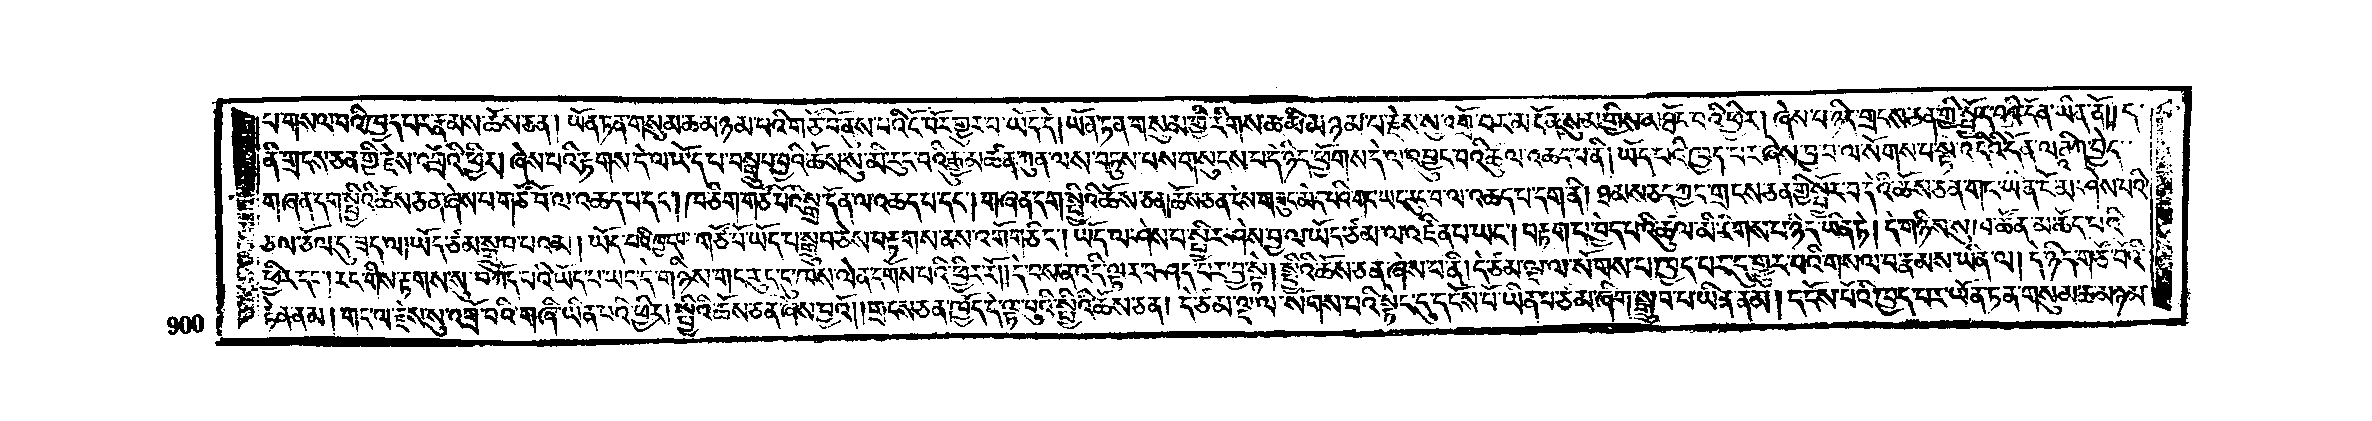པ་གསལ་བའི་ཁྱད་པར་རྣམས་ཆོས་ཅན། ཡོན་ཏན་གསུམ་ཆ་མཉམ་པའི་གཙོ་བོ་ནུས་པའི་ངོ་བོར་གྱུར་པ་ཡོད་དེ། ཡོན་ཏན་གསུམ་གྱི་རིགས་ཆ་མི་མཉམ་པ་རྗེས་སུ་འགྲོ་བར་མངོན་སུམ་གྱིས་མཐོང་བའི་ཕྱིར། ཞེས་པ་ཉིད་གྲངས་ཅན་གྱི་སྤྱོད་པའི་དོན་ཡིན་ནོ། །དེ་
ནི་གྲངས་ཅན་གྱི་རྗེས་འགྲོའི་ཕྱིར། ཞེས་པའི་རྟགས་དེ་ལ་ཡོད་པ་བསྒྲུབ་བྱའི་ཆོས་སུ་མི་རུང་བའི་རྒྱུ་མཚན་ཀུན་ལས་བཏུས་པས་གསུངས་པ་དེ་ཉིད་ཕྱོགས་དེ་ལ་འབྱུང་བའི་ཚུལ་འཆད་པ་ནི། ཡོད་པའི་ཁྱད་པར་ཞེས་བྱ་བ་ལ་སོགས་པ་སྟེ་འདིའི་དོན་ལ་ཊཱིཀ་བྱེད་
གཞན་དག་སྤྱིའི་ཆོས་ཅན་ཞེས་པ་གཙོ་བོ་ལ་འཆད་པ་དང་། ཁ་ཅིག་གཙོ་བོའི་སྒྲ་དོན་ལ་འཆད་པ་དང་། གཞན་དག་སྤྱིའི་ཆོས་ཅན། ཆོས་ཅན་ངེས་གཟུང་མེད་པའི་གང་ཡང་རུང་བ་ལ་འཆད་པ་དག་ནི། ཐམས་ཅད་ཀྱང་གྲངས་ཅན་གྱི་སྦྱོར་བ་དེའི་ཆོས་ཅན་གང་ཡིན་ངོ་མ་ཤེས་པའི་
ཅལ་ཅོལ་དུ་ཟད་ལ། ཡོད་ཙམ་སྒྲུབ་པའམ། ཡོད་པའི་ཁྱད་པར་གཙོ་བོ་ཡོད་པ་སྒྲུབ་ཅེས་བརྟགས་ནས་འགོག་ཅིང་། ཡོད་ལ་ཤེས་པ་སྤྱིར་ཤེས་བྱ་ལ་ཡོད་ཙམ་ལ་འཛིན་པ་ཡང་། བརྟག་པ་བྱེད་པའི་ཚུལ་མི་རིགས་པ་ཉིད་ཡིན་ཏེ། དེ་གཉིས་སུ་ཁ་ཚོན་མ་ཆོད་པའི་
ཕྱིར་དང་། རང་གིས་རྟགས་སུ་བཀོད་པའི་ཡོད་པ་ཡང་དེ་གཉིས་གང་རུང་དུ་ཁས་ལེན་དགོས་པའི་ཕྱིར་རོ། །དེ་བས་ན་འདི་ལྟར་བཤད་པར་བྱ་སྟེ། སྤྱིའི་ཆོས་ཅན་ཞེས་པ་ནི། དེ་ཙམ་ལྔ་ལ་སོགས་པ་ཁྱད་པར་དུ་གྱུར་པའི་གསལ་བ་རྣམས་ཡིན་ལ། དེ་ཉིད་གཙོ་བོའི་
རྟེན་ནམ། གང་ལ་རྗེས་སུ་འགྲོ་བའི་གཞི་ཡིན་པའི་ཕྱིར། སྤྱིའི་ཆོས་ཅན་ཞེས་བྱའོ། །གྲངས་ཅན་ཁྱོད་དེ་ལྟ་བུའི་སྤྱིའི་ཆོས་ཅན། དེ་ཙམ་ལྔ་ལ་སོགས་པའི་སྟེང་དུ་དངོས་པོ་ཡིན་པ་ཙམ་ཞིག་སྒྲུབ་པ་ཡིན་ནམ། དངོས་པོའི་ཁྱད་པར་ཡོན་ཏན་གསུམ་ཆ་མཉམ་